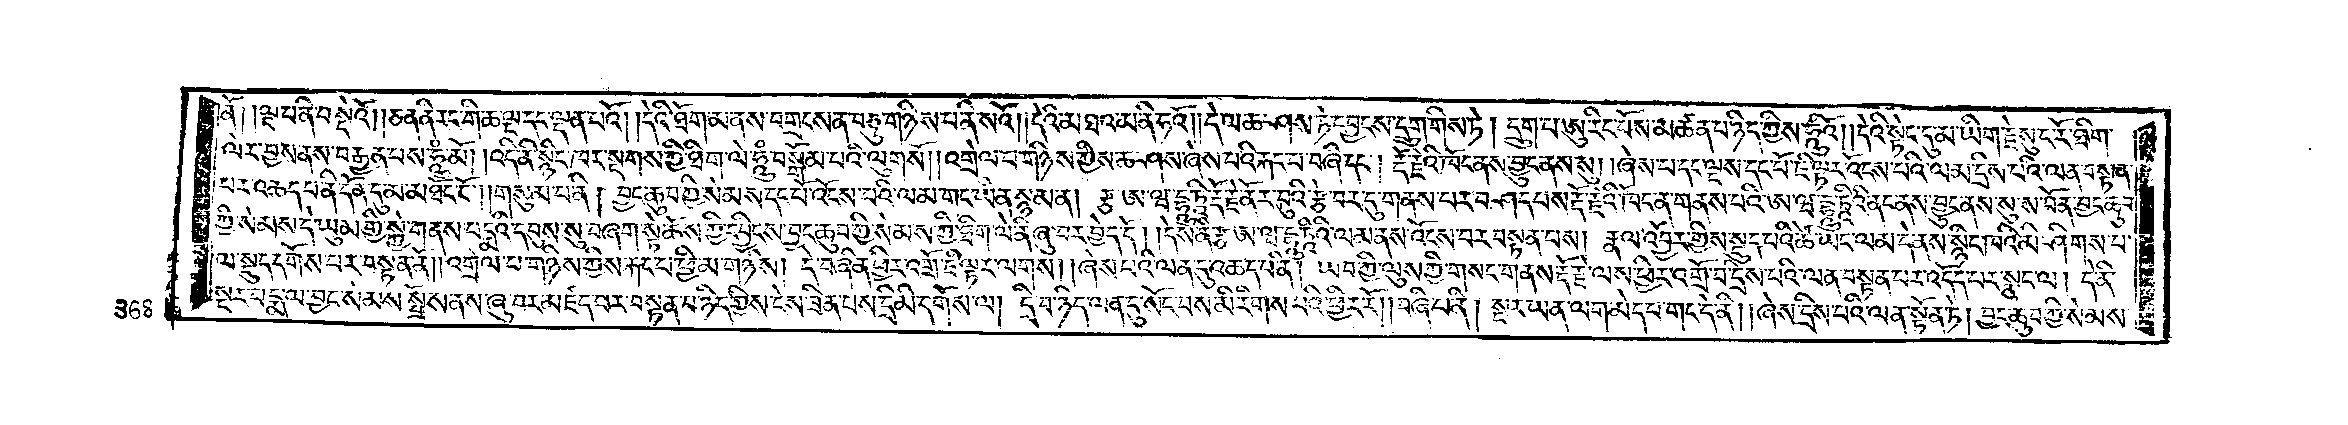ནོ། །ལྔ་པ་ནི་བསྡེའོ། །ཅན་ནི་རང་གི་ཆ་ལྔ་དང་ལྡན་པའོ། །དེའི་ཐོག་མ་ནས་བགྲངས་ན་བཅུ་གཉིས་པ་ནི་སའོ། །དེའི་མཐའ་མ་ནི་ཧའོ། །དེ་ལ་ཆ་ཤས་ཏེ་དབྱངས་དྲུག་གིས་ཏེ། དྲུག་པ་ཨུ་རིང་པོས་མཚན་པ་ཉིད་ཀྱིས་ཧཱུཾ་འོ། །དེའི་སྟེང་དུ་མ་ཡིག་རྗེས་སུ་ང་རོ་ཐིག་
ལེར་བྱས་ནས་བརྒྱན་པས་ཧཱུཾ་མོ། །འདི་ནི་སྙིང་ཁར་སྔགས་ཀྱི་ཐིག་ལེ་ཧཱུཾ་བསྒོམ་པའི་ལུགས་སོ། །འགྲེལ་པ་གཉིས་ཀྱིས་ཆ་ཤས་ཞེས་པའི་རྐང་པ་བཞི་དང་། རྡོ་རྗེའི་ཁོང་ནས་བྱུང་ནས་སུ། །ཞེས་པ་དང་ལྔས་དང་པོ་ཇི་ལྟར་འོངས་པའི་ལམ་དྲིས་པའི་ལན་བསྟན་
པར་འཆད་པ་ནི་དོན་དུ་མ་མཐོང་ངོ། །གསུམ་པ་ནི། བྱང་ཆུབ་ཀྱི་སེམས་དང་པོ་འོངས་པའི་ལམ་གང་ཡིན་སྙམ་ན། རྩ་ཨ་ཝ་དྷཱུ་ཏཱི་རྡོ་རྗེ་ནོར་བུའི་རྩེ་བར་དུ་གནས་པར་བཤད་པས་རྡོ་རྗེའི་ཁོང་ན་གནས་པའི་ཨ་ཝ་དྷཱུ་ཏཱིའི་ནང་ནས་བྱུང་ནས་སུ་ས་བོན་བྱང་ཆུབ་
ཀྱི་སེམས་དེ་ཡུམ་གྱི་སྐྱེ་གནས་པདམའི་དབུས་སུ་བཞག་སྟེ་ཆོས་ཀྱི་དབྱིངས་བྱང་ཆུབ་ཀྱི་སེམས་ཀྱི་ཐིག་ལེ་ནི་ཞུ་བར་བྱེད་དོ། །དེས་ནི་རྩ་ཨ་ཝ་དྷཱུ་ཏཱིའི་ལམ་ནས་འོངས་པར་བསྟན་པས། རྣལ་འབྱོར་གྱིས་སྡུད་པའི་ཚེ་ཡང་ལམ་དེ་ནས་སྙིང་ཁའི་མི་ཤིགས་པ་
ལ་སྡུད་དགོས་པར་བསྟན་ནོ། །འགྲེལ་པ་གཉིས་ཀྱིས་རྐང་པ་ཕྱི་མ་གཉིས། དེ་བཞིན་ཕྱིར་འགྲོ་ཇི་ལྟར་ལགས། །ཞེས་པའི་ལན་དུ་འཆད་པ་ནི། ཡབ་ཀྱི་ལུས་ཀྱི་གསང་གནས་རྡོ་རྗེ་ལས་ཕྱིར་འགྲོ་བ་དྲིས་པའི་ལན་བསྟན་པར་འདོད་པར་སྣང་ལ། དེ་ནི་
སྔར་པདམ་ལ་བྱང་སེམས་སྤྲོས་ནས་ཞུ་བར་མཛད་པར་བསྟན་པ་ཉིད་ཀྱིས་ངེས་ཟིན་པས་དྲི་མི་དགོས་ལ། དྲི་བ་ཉིད་ལན་དུ་སོང་བས་མི་རིགས་པའི་ཕྱིར་རོ། །བཞི་པ་ནི། སྔར་ཡན་ལག་མེད་པ་གང་དེ་ནི། །ཞེས་དྲིས་པའི་ལན་སྟོན་ཏེ། བྱང་ཆུབ་ཀྱི་སེམས་